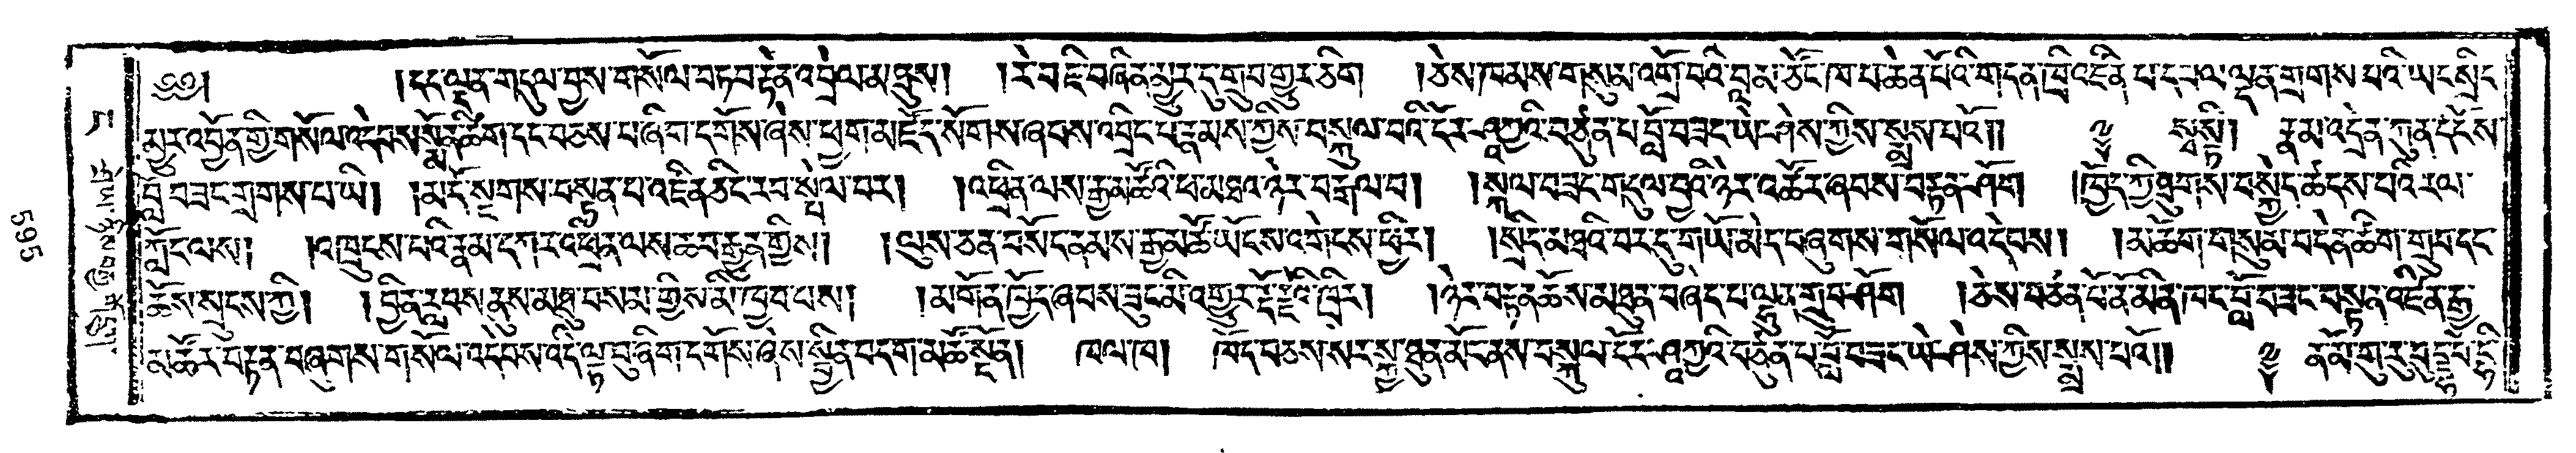༄༅། །དང་ལྡན་གདུལ་བྱས་གསོལ་བཏབ་རྟེན་འབྲེལ་མཐུས། །རེ་བ་ཇི་བཞིན་མྱུར་དུ་གྲུབ་གྱུར་ཅིག །ཅེས་ཁམས་གསུམ་འགྲོ་བའི་བླ་མ་ཙོང་ཁ་པ་ཆེན་པོའི་གདན་ཁྲི་འཛིན་པ་དཔལ་ལྡན་གྲགས་པའི་ཡང་སྲིད་
མྱུར་འབྱོན་གྱི་གསོལ་འདེབས་སྨོན་ཚིག་དང་བཅས་པ་ཞིག་དགོས་ཞེས་ཕྱག་མཛོད་སོགས་ཞབས་འབྲིང་པ་རྣམས་ཀྱིས་བསྐུལ་བའི་དོར་ཤཱཀྱའི་བཙུན་པ་བློ་བཟང་ཡེ་ཤེས་ཀྱིས་སྨྲས་པའོ།། ༈ སྭསྟི། རྣམ་འདྲེན་ཀུན་དངོས་
བློ་བཟང་གྲགས་པ་ཡི། །མདོ་སྔགས་བསྟན་པ་འཛིན་ཅིང་རབ་སྤེལ་བར། །འཕྲིན་ལས་རྒྱ་མཚོའི་ཕ་མཐའ་ཉེར་བརྒལ་བ། །སྐལ་བཟང་གདུལ་བྱའི་ཉེར་འཚོར་ཞབས་བརྟན་ཤོག །ཁྱོད་ཀྱི་ཐུགས་བསྐྱེད་ཚངས་པའི་རལ་
ཀློང་ལས། །འཁྲུངས་པའི་རྣམ་དཀར་འཕྲིན་ལས་ཆབ་རྒྱུན་གྱིས། །ལུས་ཅན་བསོད་ནམས་རྒྱ་མཚོ་ཡོངས་འགེངས་ཕྱིར། །སྲིད་མཐའི་བར་དུ་གཡོ་མེད་བཞུགས་གསོལ་འདེབས། །མཆོག་གསུམ་བདེན་ཚིག་གྲུབ་དང་
ཆོས་སྲུངས་ཀྱི། །བྱིན་རླབས་ནུས་མཐུ་བསམ་གྱིས་མི་ཁྱབ་པས། །མགོན་ཁྱོད་ཞབས་ཟུང་མི་འགྱུར་རྡོ་རྗེའི་ཁྲིར། །ཉེར་བརྟན་ཆོས་མཐུན་བཞེད་པ་ལྷུན་གྲུབ་ཤོག །ཅེས་བཙན་པོ་ནོ་མིན་ཁང་བློ་བཟང་བསྟན་འཛིན་རྒྱ་
མཚོར་བརྟན་བཞུགས་གསོལ་འདེབས་འདི་ལྟ་བུ་ཞིག་དགོས་ཞེས་སྦྱིན་བདག་མཚོ་སྔོན། ཁལ་ཁ། ཁོད་བཅས་སེར་སྐྱ་ཐུན་མོང་ནས་བསྐུལ་ངོར་ཤཱཀྱའི་བཙུན་པ་བློ་བཟང་ཡེ་ཤེས་ཀྱིས་སྨྲས་པའོ།། ༈ ན་མོ་གུ་རུ་བུདྡྷ་པོ་དྷི་